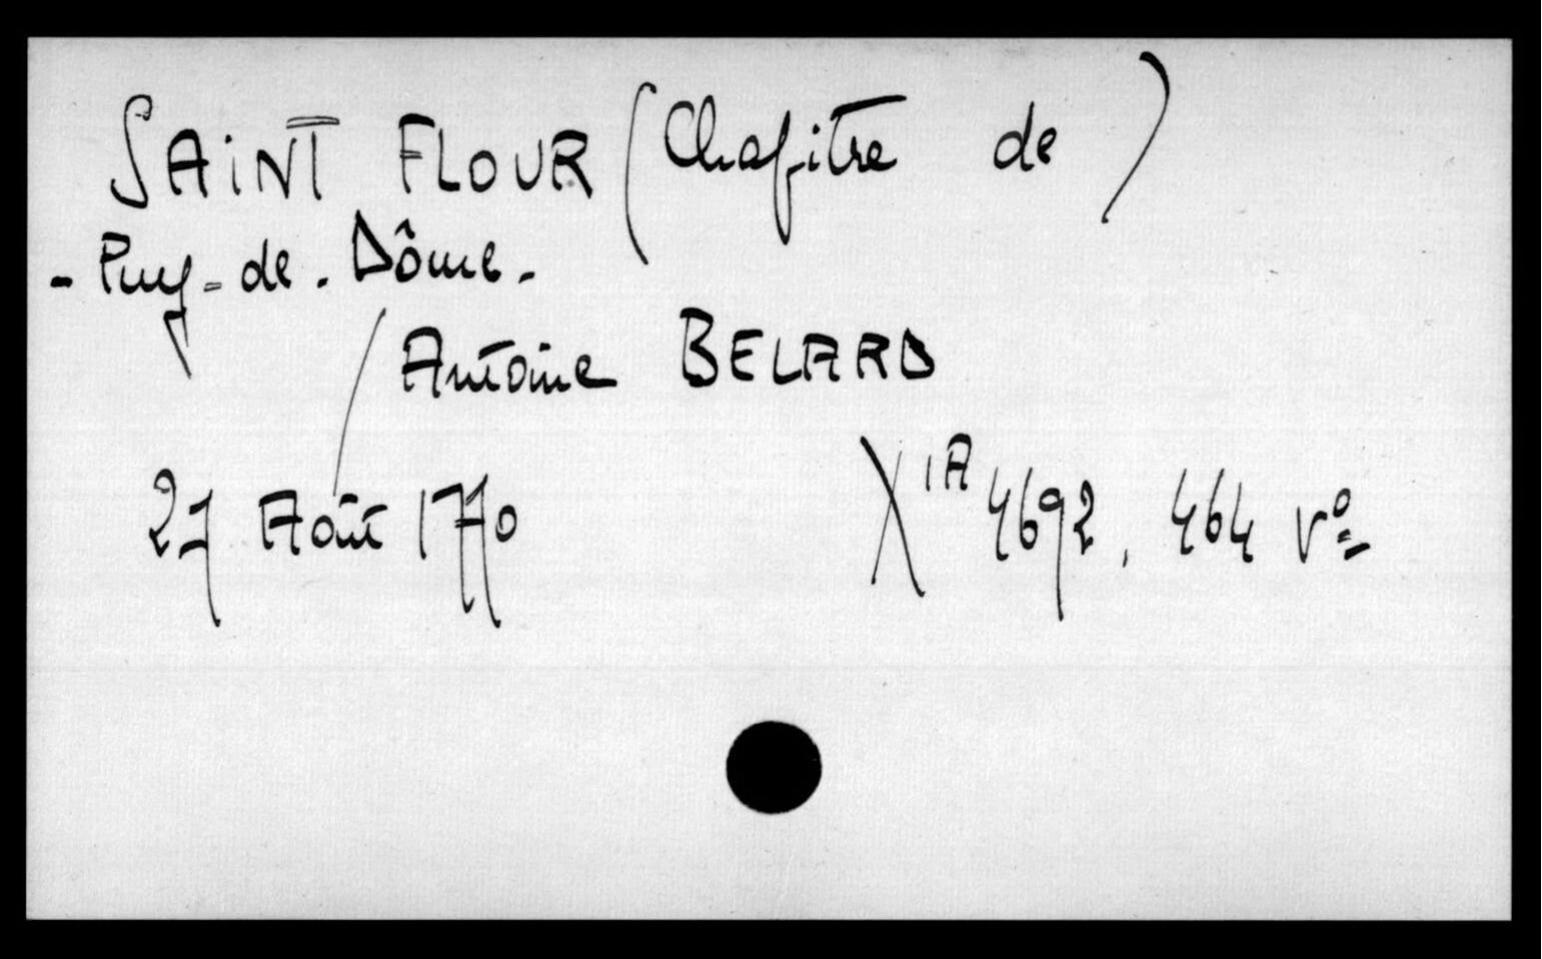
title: SAINT FLOUR (Chapitre de ) - Puy-de-Dôme -
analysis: Contre Antoine BELARD
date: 27 août 1770
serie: X1A
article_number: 4692
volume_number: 464v
